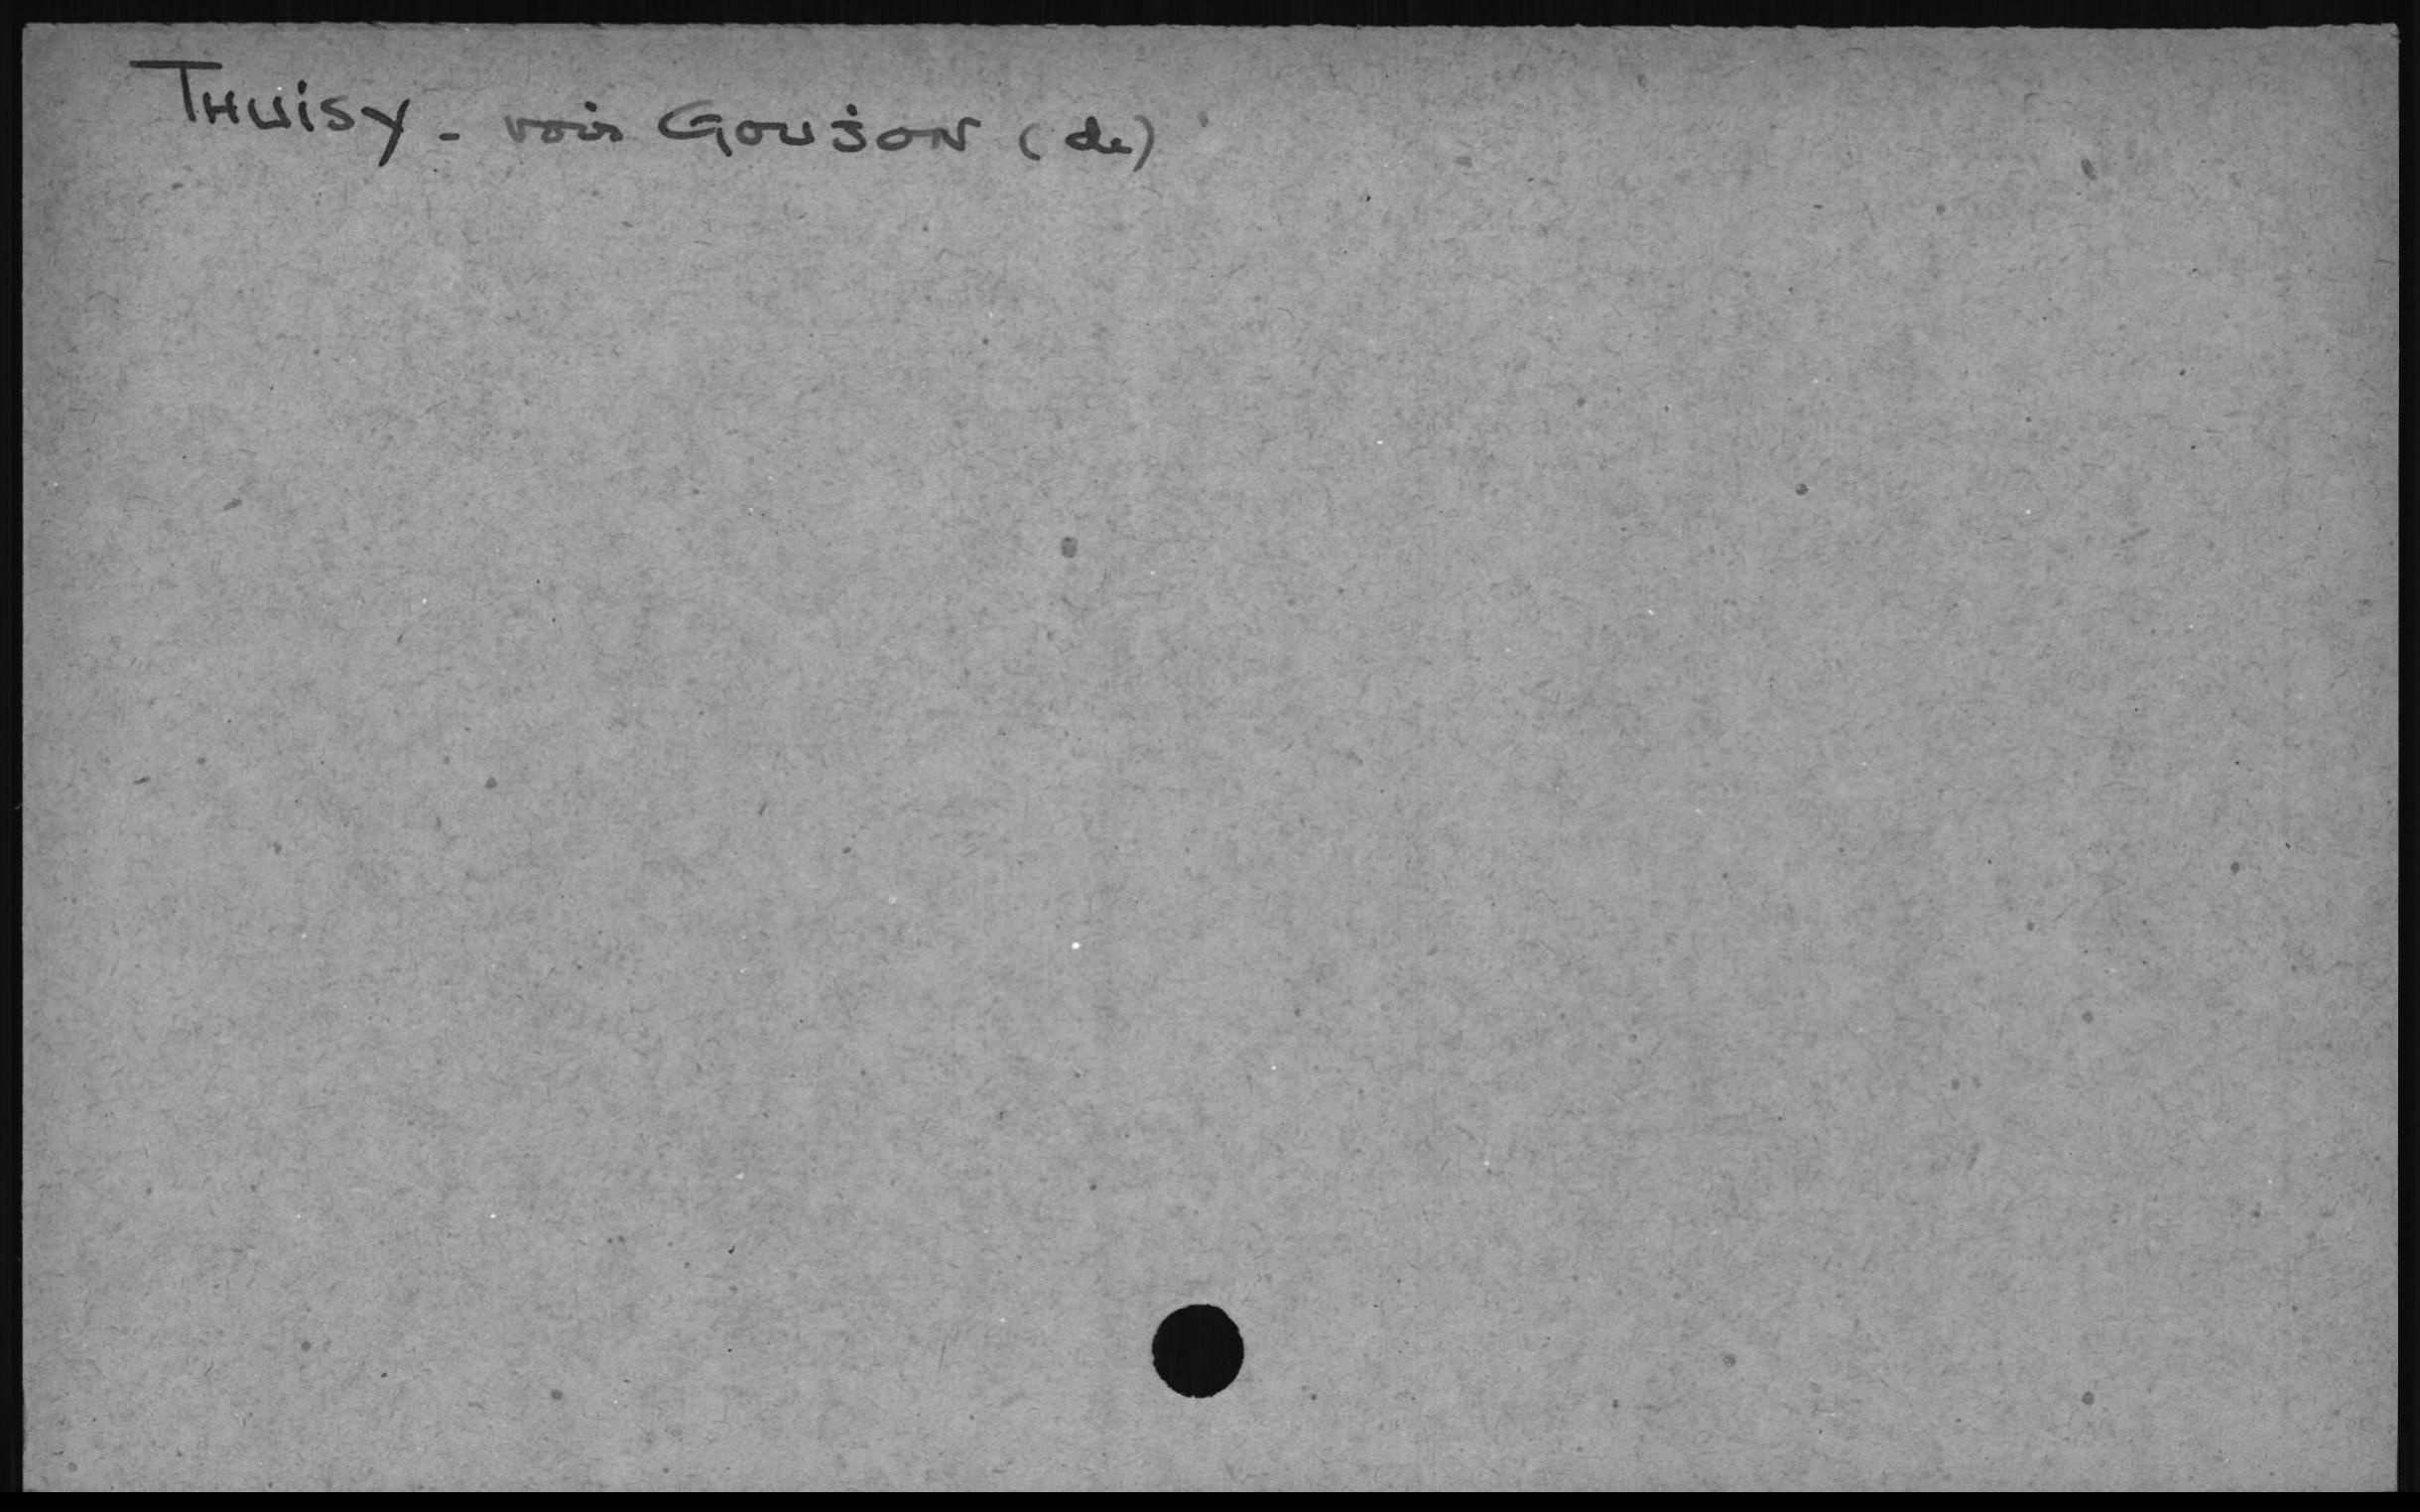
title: THUISY.
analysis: voir GOUJON (de)
